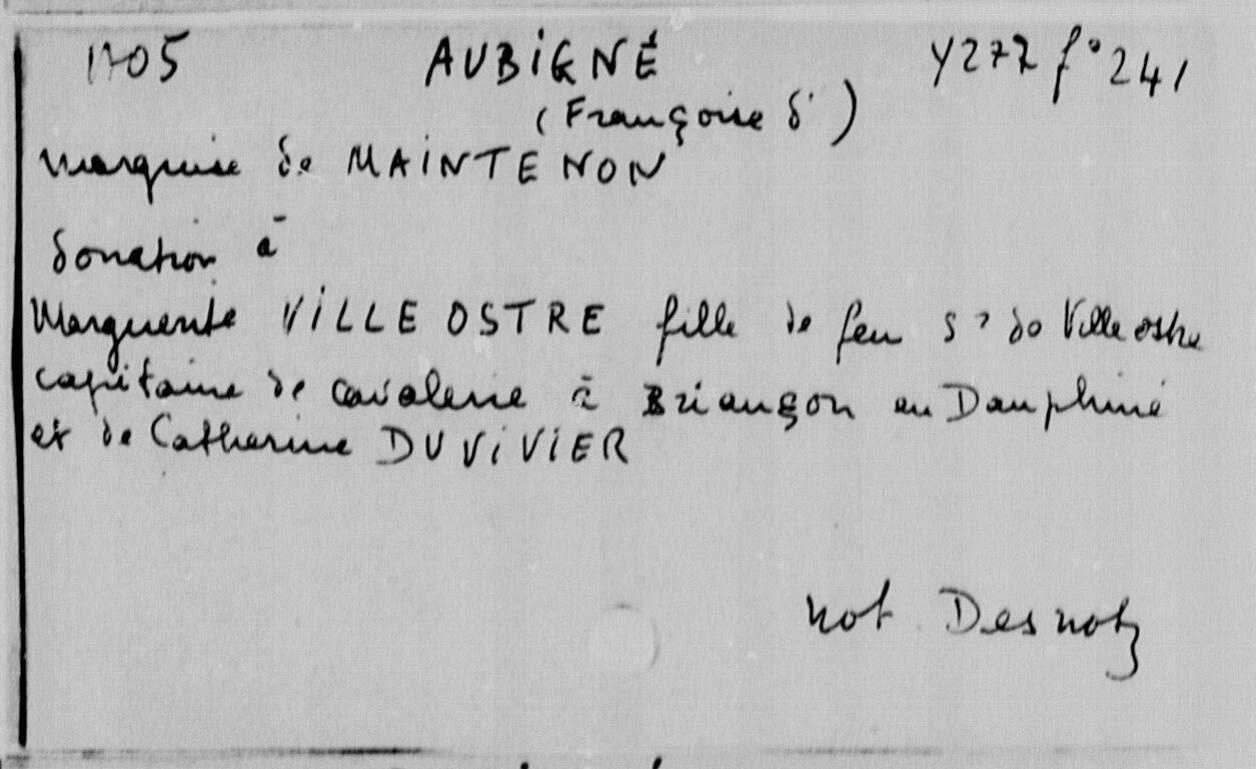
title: AUBIGNÉ (Françoise d')
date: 1705
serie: Y
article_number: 277
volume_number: folio 241
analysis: marquise de MAINTENON donation à Marguerite VILLE OSTRE fille de feu sieur de Ville Ostre capitaine de cavalerie à Briançon en Dauphiné et de Catherine DUVIVIER notaire Desnotz
